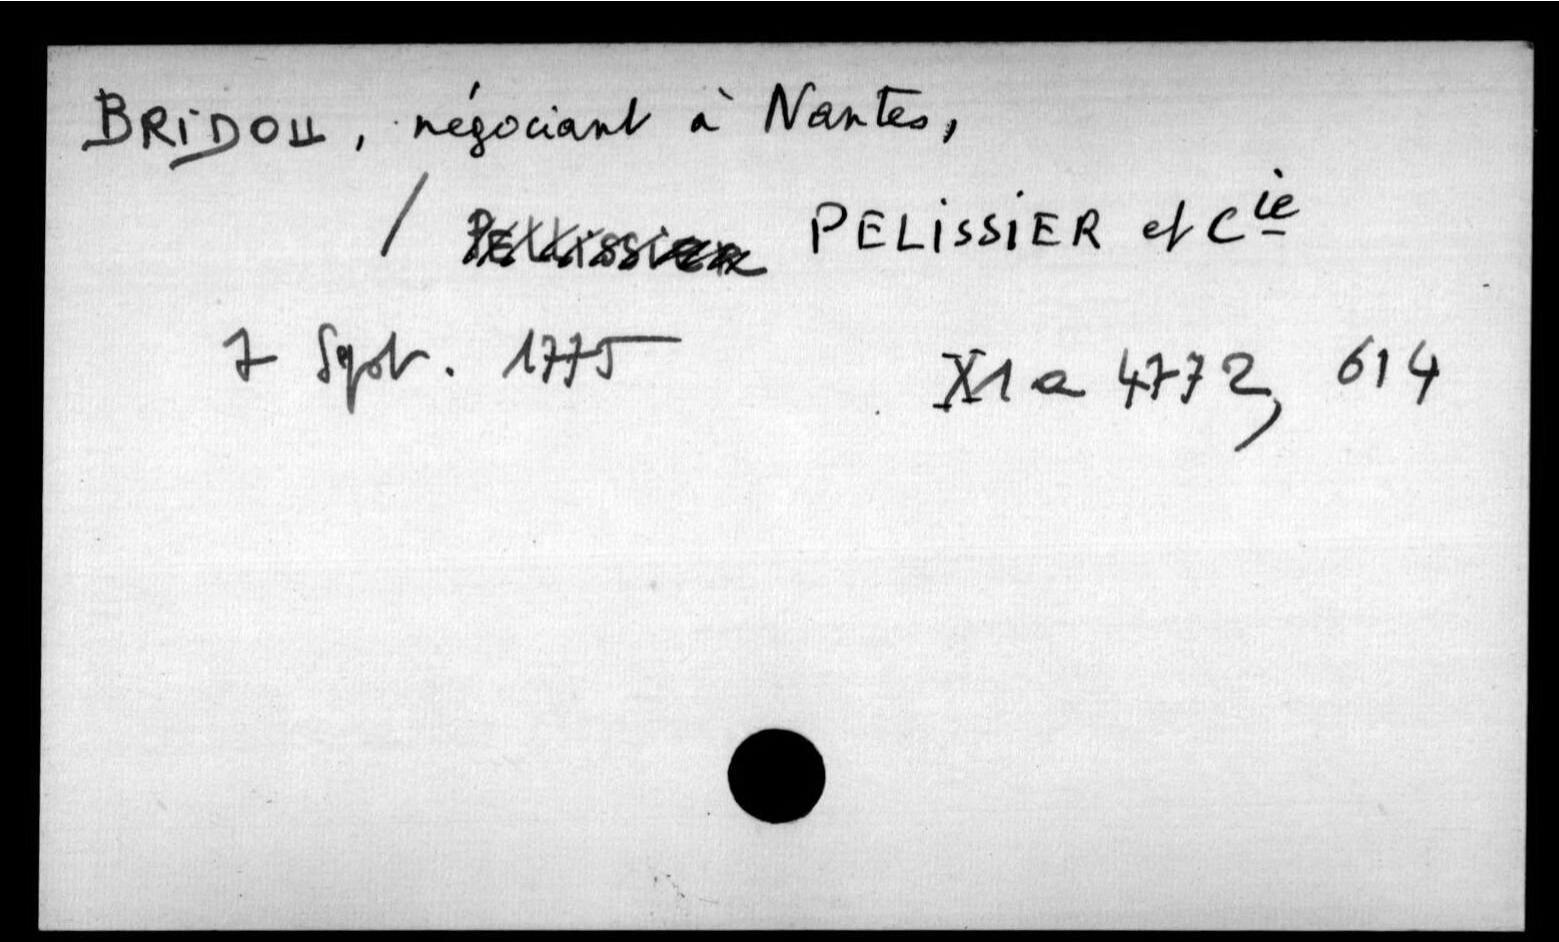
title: BRIDOU, négociant à Nantes,
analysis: Contre PELISSIER et compagnie
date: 7 septembre 1775
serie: X1a
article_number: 4772
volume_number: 614
